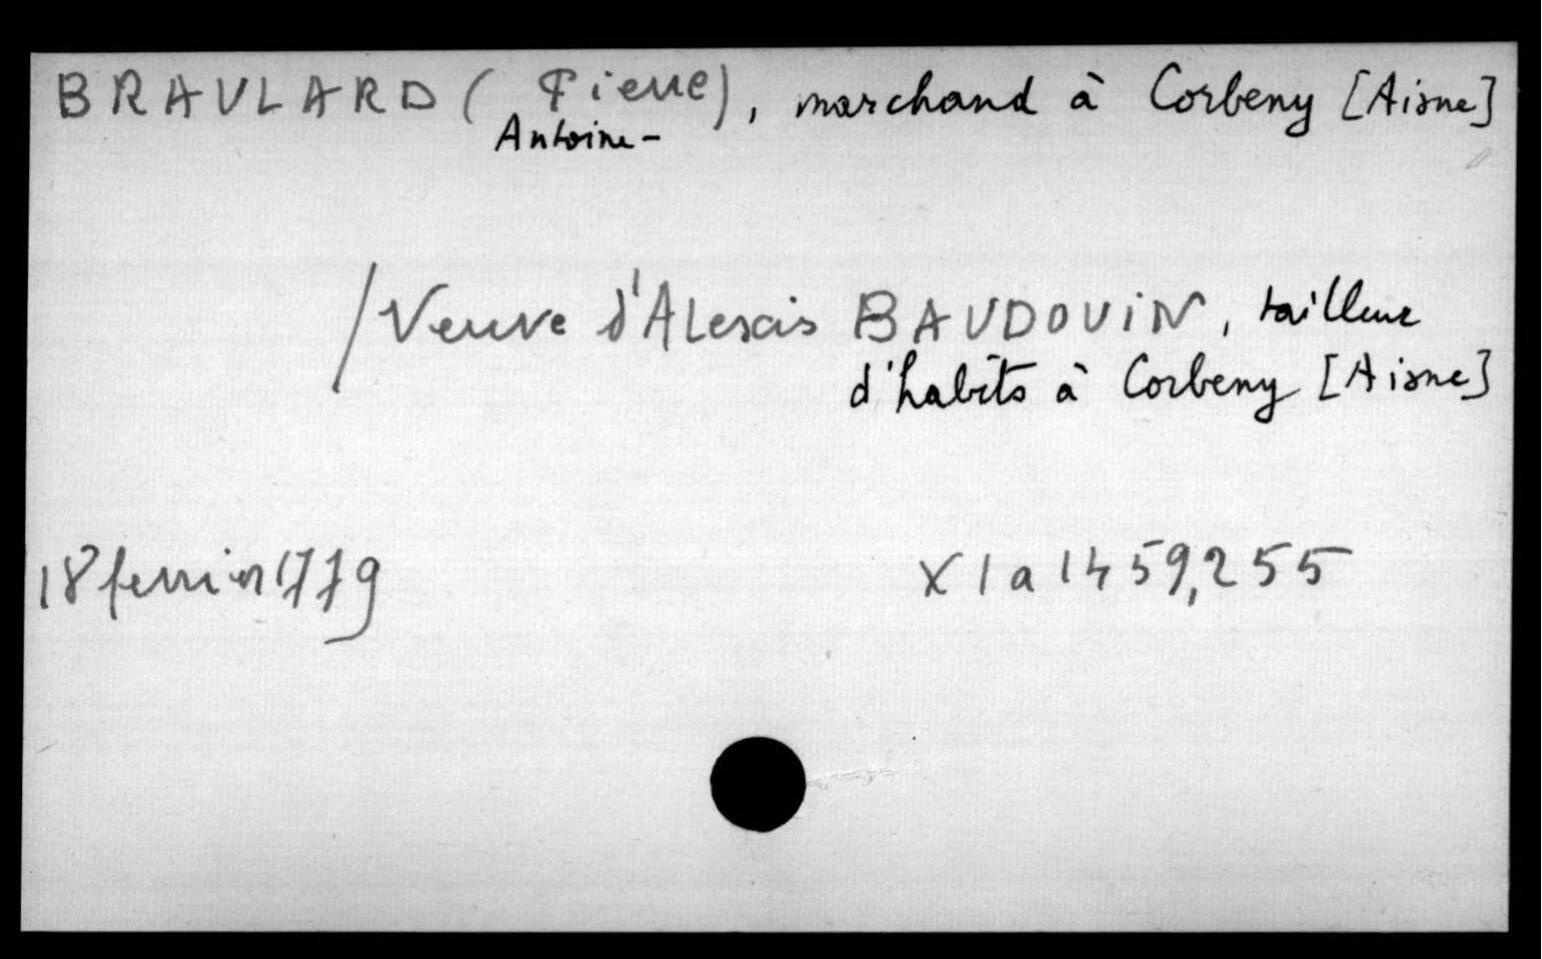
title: BRAULARD (Pierre-Antoine), marchand à Corbeny [Aisne]
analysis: Contre Veuve d'Alexais BAUDOUIN, tailleur d'habits à Corbeny [Aisne]
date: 18 février 1779
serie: X1a
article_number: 1459
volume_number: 255
